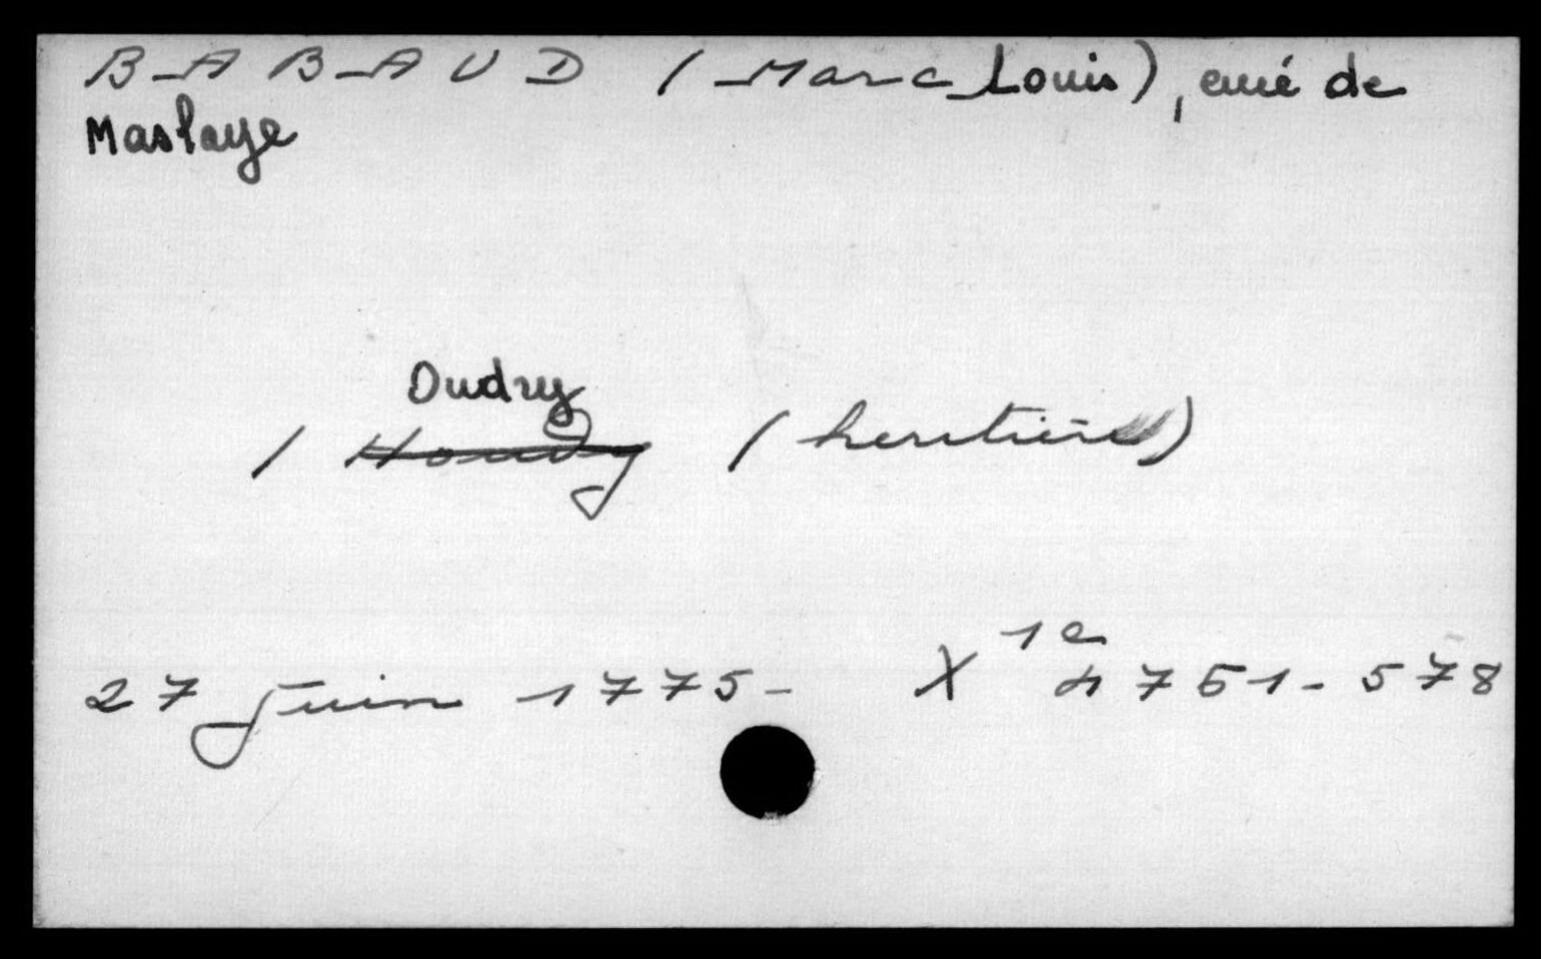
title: BABAUD (Marc Louis), curé de Maslaye
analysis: Contre Oudry (héritiers)
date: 27 juin 1775
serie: X1a
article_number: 4761
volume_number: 578
